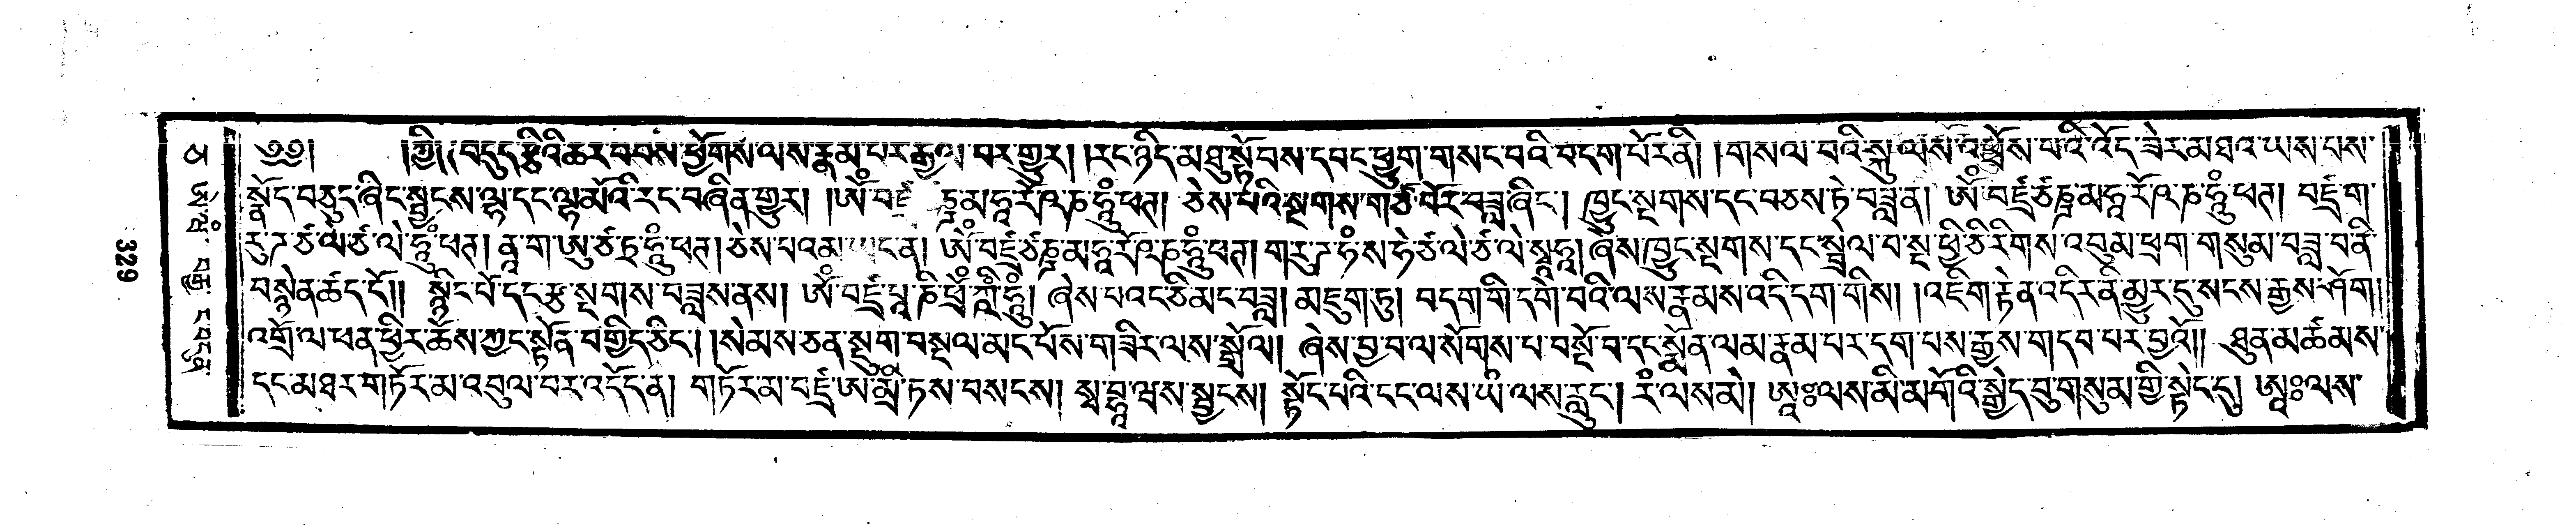༄༅། །ཀྱི༑ ༑བདུད་རྩིའི་ཆར་བབས་ཕྱོགས་ལས་རྣམ་པར་རྒྱལ་བར་གྱུར། །རང་ཉིད་མཐུ་སྟོབས་དབང་ཕྱུག་གསང་བའི་བདག་པོར་ནི། །གསལ་བའི་སྐུ་ལས་འཕྲོས་པའི་འོད་ཟེར་མཐའ་ཡས་པས་
སྣོད་བཅུད་ཞིང་སྦྱངས་ལྷ་དང་ལྷ་མོའི་རང་བཞིན་གྱུར། །ཨོཾ་བཛྲ་ཙཎྜ་མཧཱ་རོ་ཥ་ཎ་ཧཱུཾ་ཕཊ། ཅེས་པའི་སྔགས་གཙོ་བོར་བཟླ་ཞིང་། ཁྱུང་སྔགས་དང་བཅས་ཏེ་བཟླ་ན། ཨོཾ་བཛྲ་ཙཎྜ་མཧཱ་རོ་ཥ་ཎ་ཧཱུཾ་ཕཊ། བཛྲ་ག་
རུ་ཌ་ཙ་ལེ་ཙ་ལེ་ཧཱུཾ་ཕཊ། ནཱ་ག་ཨུ་ཙ་ཏྲ་ཧཱུཾ་ཕཊ། ཅེས་པའམ་ཡང་ན། ཨོཾ་བཛྲ་ཙཎྜ་མཧཱ་རོ་ཥ་ཎ་ཧཱུཾ་ཕཊ། ག་རུ་ཊ་ཧཾ་ས་ཧེ་ཙ་ལེ་ཙ་ལེ་སྭཱཧཱ། ཞེས་ཁྱུང་སྔགས་དང་སྦྲེལ་བ་སྔ་ཕྱི་ཅི་རིགས་འབུམ་ཕྲག་གསུམ་བཟླ་བ་ནི་
བསྙེན་ཚད་དོ། །སྙིང་པོ་དང་རྩ་སྔགས་བཟླས་ནས། ཨོཾ་བཛྲ་པཱ་ཎི་ཕྲོཾ་ཀྵིཾ་ཧཱུཾ། ཞེས་པའང་ཅི་མང་བཟླ། མཇུག་ཏུ། བདག་གི་དགེ་བའི་ལས་རྣམས་འདི་དག་གིས། །འཇིག་རྟེན་འདིར་ནི་མྱུར་དུ་སངས་རྒྱས་ཤོག །
འགྲོ་ལ་ཕན་ཕྱིར་ཆོས་ཀྱང་སྟོན་བགྱིད་ཅིང་། །སེམས་ཅན་སྡུག་བསྔལ་མང་པོས་གཟིང་ལས་སྒྲོལ། ཞེས་བྱ་བ་ལ་སོགས་པ་བསྔོ་བ་དང་སྨོན་ལམ་རྣམ་པར་དག་པས་རྒྱས་གདབ་པར་བྱའོ།། ཐུན་མཚམས་
དང་མཐར་གཏོར་མ་འབུལ་བར་འདོད་ན། གཏོར་མ་བཛྲ་ཨ་མྲི་ཏས་བསངས། སྭ་བྷཱ་ཝས་སྦྱངས། སྟོང་པའི་ངང་ལས་ཡཾ་ལས་རླུང་། རཾ་ལས་མེ། ཨཱཿ ལས་མི་མགོའི་སྒྱེད་བུ་གསུམ་གྱི་སྟེང་དུ། ཨཱཿ ལས་